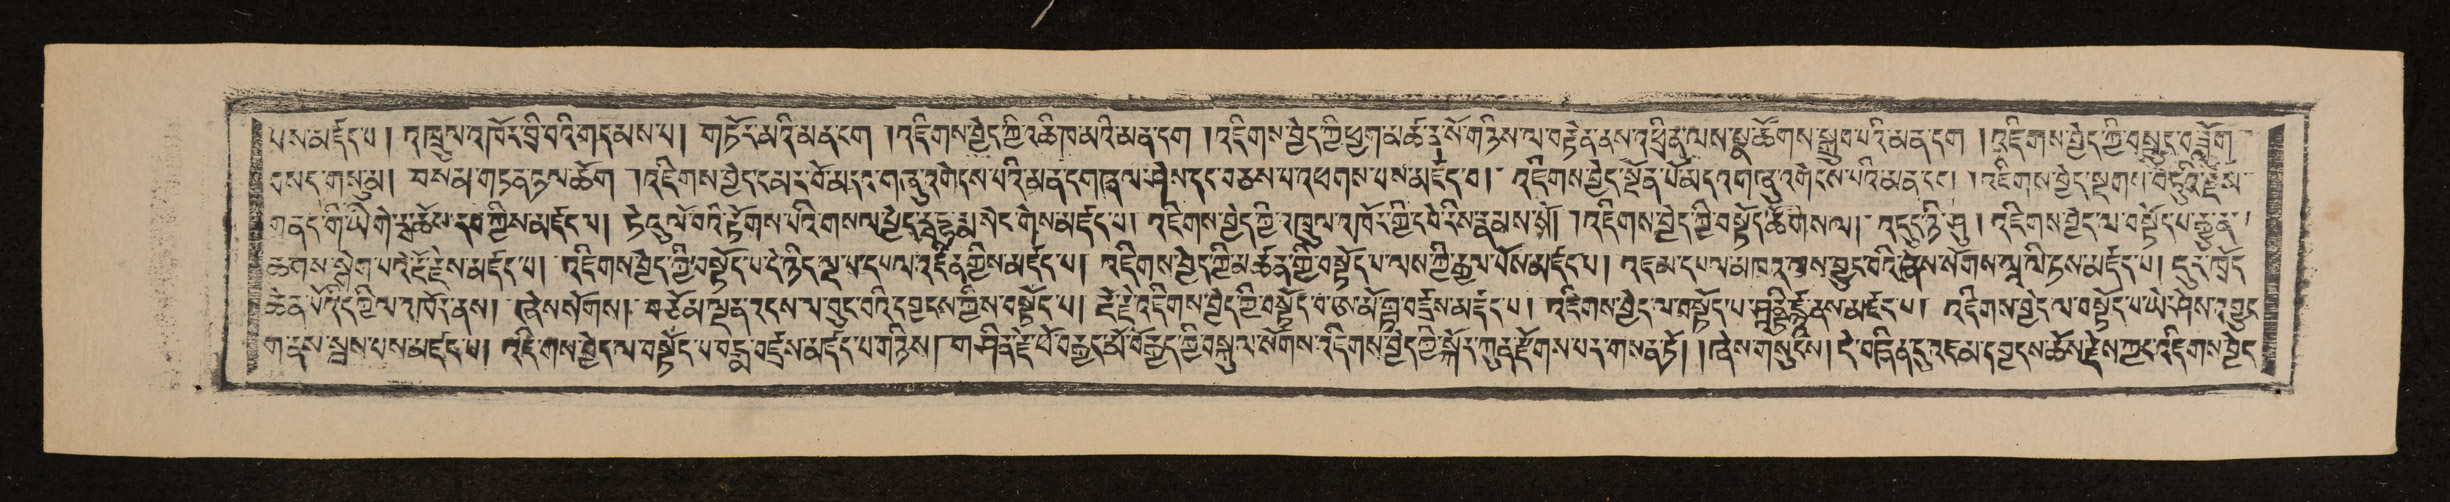པས་མཛད་པ། འཁྲུལ་འཁོར་བྲི་བའི་གདམས་པ། གཏོར་མའི་མན་ངག །འཇིགས་བྱེད་ཀྱི་འཆི་ཁ་མའི་མན་ངག །འཇིགས་བྱེད་ཀྱི་ཕྱག་མཚན་སོ་གཉིས་ལ་བརྟེན་ནས་འཕྲིན་ལས་སྣ་ཚོགས་སྒྲུབ་པའི་མན་ངག །འཇིགས་བྱེད་ཀྱི་བསྲུང་བཟློག་
བསང་གསུམ། བསམ་གཏན་ཉལ་ཆོག །འཇིགས་བྱེད་དམར་པོ་མདའ་གཞུ་འགེངས་པའི་མན་ངག་ཞལ་ཤེས་དང་བཅས་པ་འཕགས་པས་མཛད་པ། འཇིགས་བྱེད་སྔོན་པོ་མདའ་གཞུ་འགེངས་པའི་མན་ངག །འཇིགས་བྱེད་སྔགས་པ་ཏུའི་རྗེས་
གནང་གི་ཡི་གེ་རྭ་ཆོས་རབ་ཀྱིས་མཛད་པ། ཏེའུ་ལོ་བའི་རྟོགས་པའི་གསལ་བྱེད་རྭ་དྷརྨ་སེང་གེས་མཛད་པ། འཇིགས་བྱེད་ཀྱི་འཁྲུལ་འཁོར་གྱི་དཔེ་རིས་རྣམས་སོ། །འཇིགས་བྱེད་ཀྱི་བསྟོད་ཚོགས་ལ། འདུད་ཉི་ཤུ། འཇིགས་བྱེད་ལ་བསྟོད་བརྒྱུན་
ཆགས་སྒེག་པའི་རྡོ་རྗེས་མཛད་པ། འཇིགས་བྱེད་ཀྱི་བསྟོད་པ་དེ་ཉིད་ལྔ་པ་དཔལ་འཛིན་གྱིས་མཛད་པ། འཇིགས་བྱེད་ཀྱི་མཚན་གྱི་བསྟོད་པ་ལས་ཀྱི་རྒྱལ་པོས་མཛད་པ། འཇམ་དཔལ་མཁའ་ལས་བྱུང་བའི་ཞེས་སོགས་ལཱ་ལི་ཏས་མཛད་པ། དུར་ཁྲོད་
ཆེན་པོའི་དཀྱིལ་འཁོར་ནས། ཞེས་སོགས། བཅོམ་ལྡན་འདས་ལ་བུད་པའི་དབྱངས་ཀྱིས་བསྟོད་པ། རྡོ་རྗེ་འཇིགས་བྱེད་ཀྱི་བསྟོད་པ་ཨ་མོ་གྷ་བཛྲས་མཛད་པ། འཇིགས་བྱེད་ལ་བསྟོད་པ་ཤཱནྟི་ཛྙཱ་ནས་མཛད་པ། འཇིགས་བྱེད་ལ་བསྟོད་པ་ཡེ་ཤེས་འབྱུང་
གནས་སྦས་བས་མཛད་པ། འཇིགས་བྱེད་ལ་བསྟོད་པ་པདམ་བཛྲས་མཛད་པ་གཉིས། གཤིན་རྗེ་ཕོ་བརྒྱད་མོ་བརྒྱད་ཀྱི་བསྐུལ་སོགས་འཇིགས་བྱེད་ཀྱི་སྐོར་ཀུན་རྫོགས་པར་གསན་ཏོ། །ཞེས་གསུངས། དེ་བཞིན་དུ་འཇམ་དབྱངས་ཆོས་རྗེས་ཀྱང་འཇིགས་བྱེད་